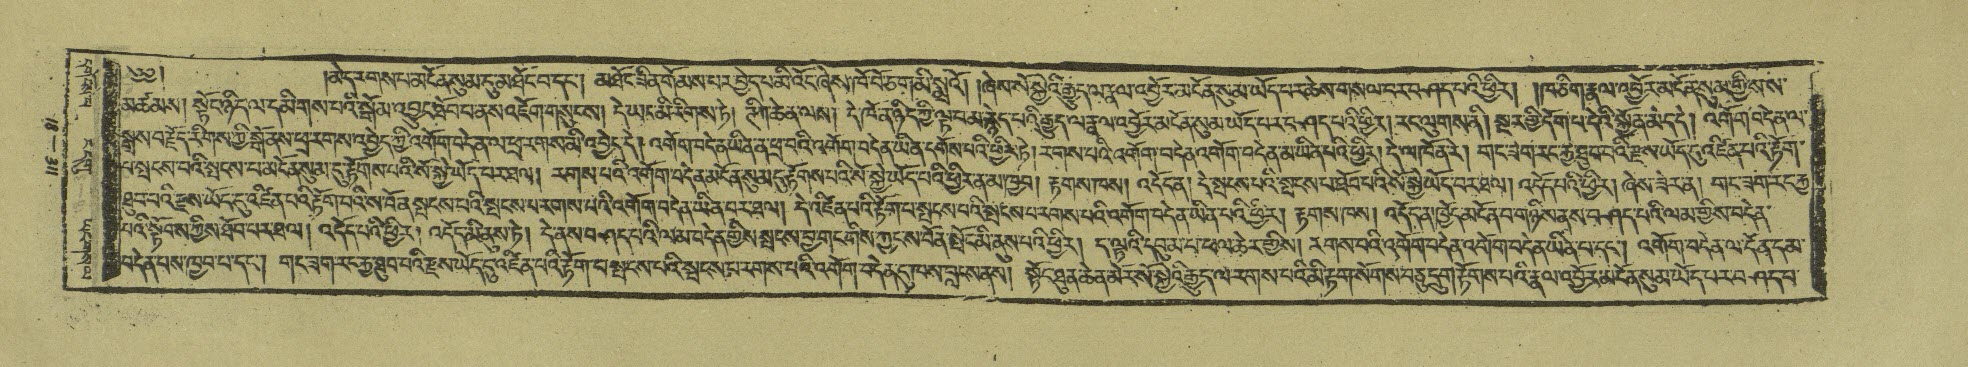༄༅། །མེད་རགས་པ་མངོན་སུམ་དུ་མཐོང་བ་དང་། མཐོང་ཟིན་གོམས་ཕར་བྱེད་པ་མི་འོང་ཞེས་ཁོ་བོ་ཅག་མི་སྨྲའོ། །ཞེས་སོ་སྐྱེའི་རྒྱུད་ལ་རྣལ་འབྱོར་མངོན་སུམ་ཡོད་པར་ཆེས་གསལ་བར་བཤད་པའི་ཕྱིར། །ཁ་ཅིག་རྣལ་འབྱོར་མངོན་སུམ་གྱིས་ས་
མཚམས། སྟོང་ཉིད་ལ་དམིགས་པའི་སྒོམ་འབྱུང་ཐོབ་པ་ནས་འཇོག་གསུངས། དེ་ཡང་མི་རིགས་ཏེ། ཊིཀ་ཆེན་ལས། དེ་ཁོ་ན་ཉིད་ཀྱི་ལྟ་བ་མ་རྙེད་པའི་རྒྱུད་ལ་རྣལ་འབྱོར་མངོན་སུམ་ཡོད་པར་བཤད་པའི་ཕྱིར། རང་ལུགས་ནི། སྔར་གྱི་དོག་པ་དེའི་སྐྱོན་མེད་དེ། འགོག་བདེན་ལ་
སྒྲས་བརྗོད་རིགས་ཀྱི་སྒོ་ནས་ཕྲ་རགས་འབྱེད་ཀྱི་འགོག་བདེན་ལ་ཕྲ་རགས་མི་འབྱེད་དེ། འགོག་བདེན་ཡིན་ན་ཕྲ་བའི་འགོག་བདེན་ཡིན་དགོས་པའི་ཕྱིར་ཏེ། རགས་པའི་འགོག་བདེན་འགོག་བདེན་མ་ཡིན་པའི་ཕྱིར། དེ་ལ་ཁོ་ན་རེ། གང་ཟག་རང་རྐྱ་ཐུབ་པའི་རྫས་ཡོད་དུ་འཛིན་པའི་རྟོག་
པ་སྤངས་པའི་སྤངས་པ་མངོན་སུམ་དུ་རྟོགས་པའི་སོ་སྐྱེ་ཡོད་པར་ཐལ། རགས་པའི་འགོག་བདེན་མངོན་སུམ་དུ་རྟོགས་པའི་སོ་སྐྱེ་ཡོད་པའི་ཕྱིར་ན་མ་ཁྱབ། རྟགས་ཁས། འདོད་ན། དེ་སྤངས་པའི་སྤངས་པ་ཐོབ་པའི་སོ་སྐྱེ་ཡོད་པར་ཐལ། འདོད་པའི་ཕྱིར། ཞེས་ཟེར་ན། གང་ཟག་རང་རྐྱ་
ཐུབ་པའི་རྫས་ཡོད་དུ་འཛིན་པའི་རྟོག་པའི་ས་བོན་སྤངས་པའི་སྤངས་བ་རགས་པའི་འགོག་བདེན་ཡིན་པར་ཐལ། དེ་འཛིན་པའི་རྟོག་པ་སྤངས་པའི་སྤངས་བ་རགས་པའི་འགོག་བདེན་ཡིན་པའི་ཕྱིར། རྟགས་ཁས། འདོད་ན། ཁྱོད་མངོན་བ་གཉིས་ནས་བཤད་པའི་ལམ་གྱིས་བདེན་
བའི་སྟོབས་ཀྱིས་ཐོབ་པར་ཐལ། འདོད་པའི་ཕྱིར། འདོད་མི་ནུས་ཏེ། དེ་ནས་བཤད་པའི་ལམ་བདེན་གྱིས་སྤངས་བྱ་གང་གིས་ཀྱང་ས་བོན་སྤོང་མི་ནུས་པའི་ཕྱིར། ད་ལྟའི་དབུ་མ་པ་ཕལ་ཆེར་གྱིས། རགས་པའི་འགོག་བདེན་འགོག་བདེན་ཡིན་པ་དང་། འགོག་བདེན་ལ་དོན་དམ་
བདེན་པས་ཁྱབ་པ་དང་། གང་ཟག་རང་རྐྱ་ཐུབ་པའི་རྫས་ཡོད་དུ་འཛིན་པའི་རྟོག་པ་སྤངས་པའི་སྤངས་པ་རགས་པའི་འགོག་བདེན་དུ་ཁས་བླངས་ནས། སྟོང་ཐུན་ཆེན་མོར་སོ་སྐྱེའི་རྒྱུད་ལ་རགས་པའི་མི་རྟག་སོགས་བཅུ་དྲུག་རྟོགས་པའི་རྣལ་འབྱོར་མངོན་སུམ་ཡོད་པར་བཤད་པ་